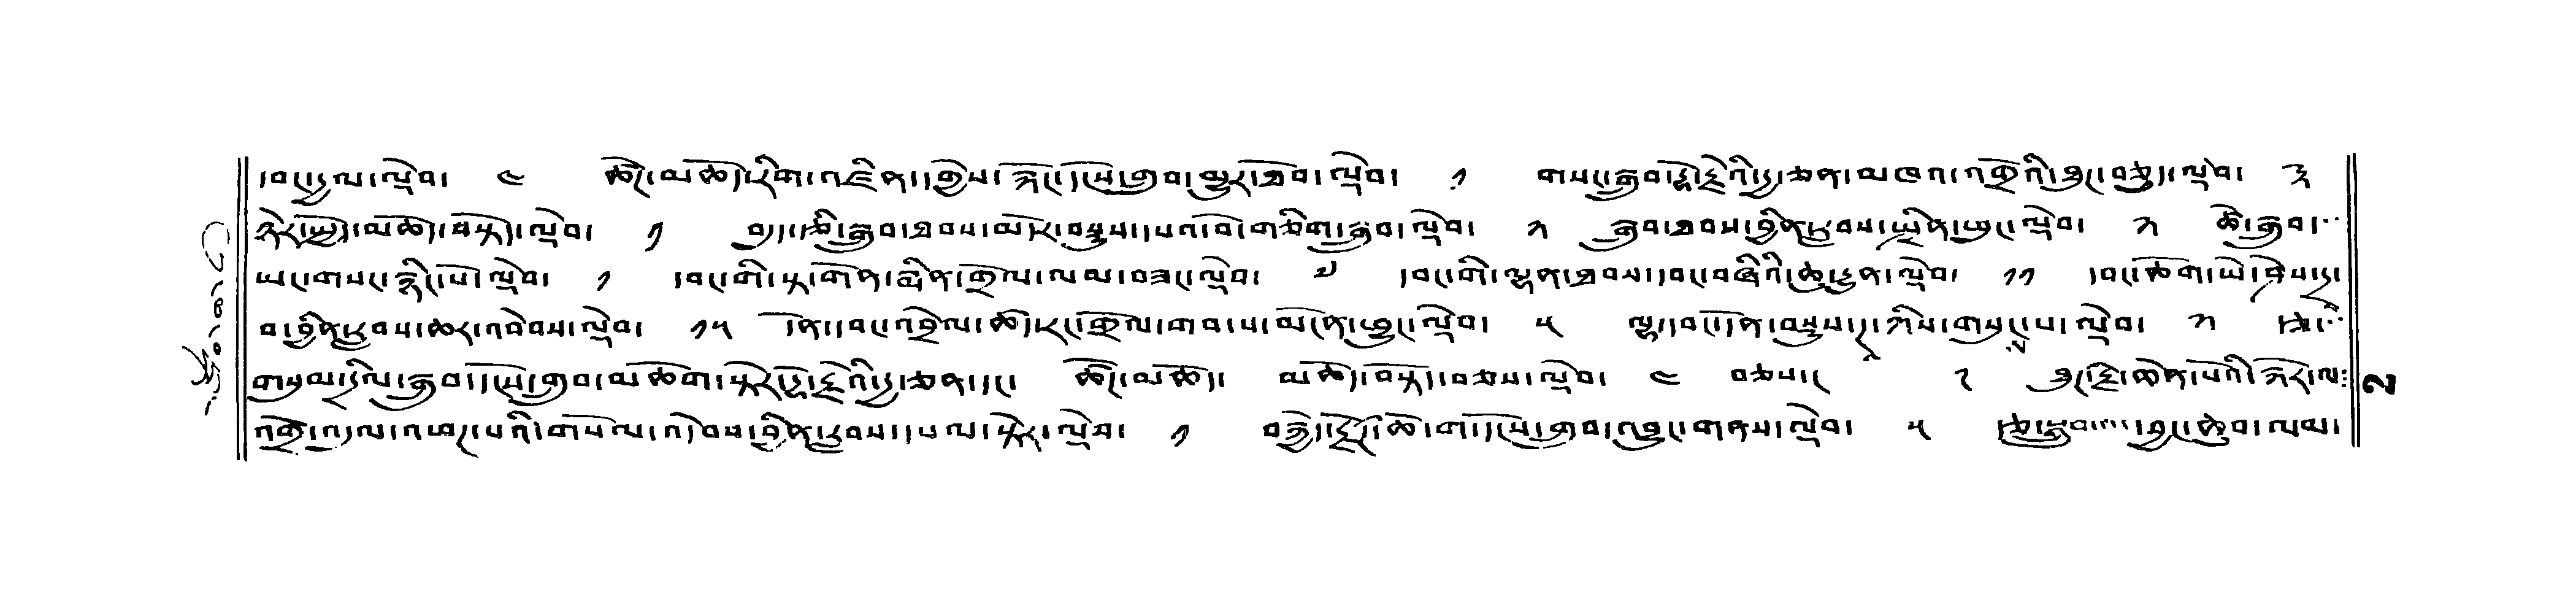དབང་རྒྱལ་ལྡེབ། ཚོགས་མཆོད་རིག་འཛིན་དགྱེས་སྐོང་དངོས་གྲུབ་མྱུར་ཐོབ་ལྡེབ། གསང་སྒྲུབ་རྡོ་རྗེའི་རྒྱ་ཅན་མཁའ་འགྲོའི་ཐུགས་བཅུད་ལྡེབ། 
ཉེར་སྤྱོད་མཆོད་བསྟོད་ལྡེབ། བདུད་རྩི་སྒྲུབ་ཐབས་མདོར་བསྡུས་དཔའ་བོ་གཅིག་སྒྲུབ་ལྡེབ། སྒྲུབ་ཐབས་བྱིན་རླབས་སྤྲིན་ཕུང་ལྡེབ། ཚེ་སྒྲུབ་
ཡང་གསང་སྙིང་པོ་ལྡེབ། དབང་གི་སྟ་གོན་སྨིན་གྲོལ་ལམ་བཟང་ལྡེབ། དབང་གི་ལྷན་ཐབས་དབང་བཞིའི་ཆུ་རྒྱུན་ལྡེབ། དབང་ཆོག་ཡེ་ཤེས་དྲྭ་
བ་བྱིན་རླབས་ཆར་འབེབས་ལྡེབ། དོན་དབང་འབྲེལ་ཚད་རང་གྲོལ་གབ་པ་མངོན་ཕྱུང་ལྡེབ། ལྷ་དབང་དོན་བསྡུས་ཌཱ་ཀིས་གསུངས་པ་ལྡེབ། རྩ་
གསུམ་དྲིལ་སྒྲུབ་དངོས་གྲུབ་མཆོག་སྟེར་རྡོ་རྗེའི་རྒྱན་ཅན་དང་། ཚོགས་མཆོད། མཆོད་བསྟོད་བཅས་ལྡེབ། བཅས། ༄། ཐུགས་རྗེ་ཆེན་པོའི་སྐོར་ལ་
འགྲོ་འདུལ་འཕགས་པའི་གསོལ་འདེབས་བྱིན་རླབས་དཔལ་སྟེར་ལྡེབ། བསྐྱེད་རྫོགས་ཆོ་ག་དངོས་གྲུབ་འབྱུང་གནས་ལྡེབ། རྩ་སྒྲུབ་ལ་བྱང་ཆུབ་ལམ་